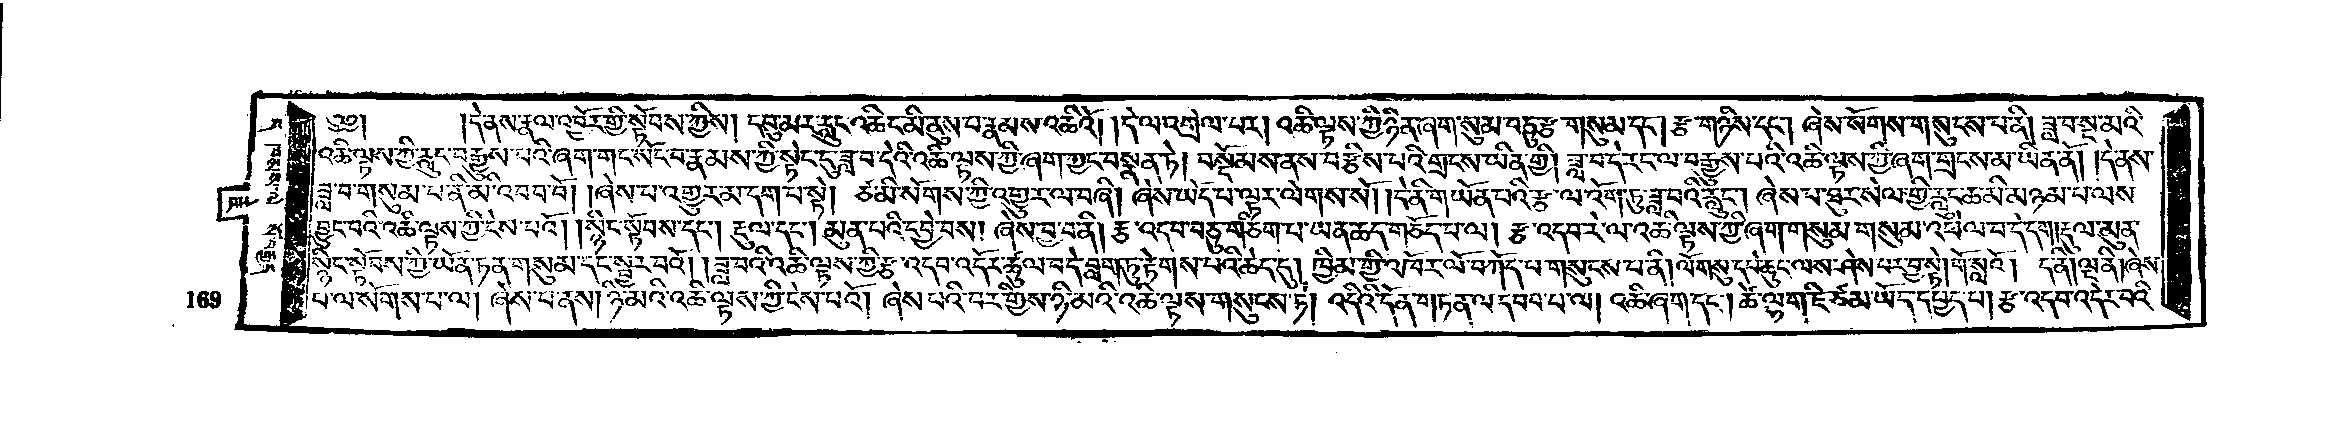༄༅། །དེ་ནས་རྣལ་འབྱོར་གྱི་སྟོབས་ཀྱིས། དབུ་མར་རླུང་འཆིང་མི་ནུས་པ་རྣམས་འཆིའོ། །དེ་ལ་འགྲེལ་པར། འཆི་ལྟས་ཀྱི་ཉིན་ཞག་སུམ་བཅུ་རྩ་གསུམ་དང་། རྩ་གཉིས་དང་། ཞེས་སོགས་གསུངས་པ་ནི། ཟླ་བ་སྔ་མའི་
འཆི་ལྟས་ཀྱི་རླུང་བརྒྱུས་པའི་ཞག་གང་སོང་བ་རྣམས་ཀྱི་སྟེང་དུ་ཟླ་བ་དེའི་འཆི་ལྟས་ཀྱི་ཞག་ཀྱང་བསྣན་ཏེ། བསྡོམས་ནས་བརྩིས་པའི་གྲངས་ཡིན་གྱི། ཟླ་བ་དེ་རང་ལ་བརྒྱུས་པའི་འཆི་ལྟས་ཀྱི་ཞག་གྲངས་མ་ཡིན་ནོ། །དེ་ནས་
ཟླ་བ་གསུམ་པ་ནི་མི་འབབ་བོ། །ཞེས་པ་འགྱུར་མ་དག་པ་སྟེ། ཙ་མི་སོགས་ཀྱི་འགྱུར་ལ་བཞི། ཞེས་ཡོད་པ་ལྟར་ལེགས་སོ། །དེ་ནི་གཡོན་པའི་རྩ་ལ་འོག་ཏུ་ཟླ་བའི་རླུང་། ཞེས་པ་ཐུར་སེལ་གྱི་རླུང་ཆ་མི་མཉམ་པ་ལས་
བྱུང་བའི་འཆི་ལྟས་ཀྱི་ངེས་པའོ། །སྙིང་སྟོབས་དང་། རྡུལ་དང་། མུན་པའི་དབྱེ་བས། ཞེས་བྱ་བ་ནི། རྩ་འདབ་བཅུ་གཅིག་པ་ཡན་ཆད་གཅོད་པ་ལ། རྩ་འདབ་རེ་ལ་འཆི་ལྟས་ཀྱི་ཞག་གསུམ་གསུམ་འཕེལ་བ་དེ་དག །རྡུལ་མུན་
སྙིང་སྟོབས་ཀྱི་ཡོན་ཏན་གསུམ་དང་སྦྱར་བའོ། །ཟླ་བའི་འཆི་ལྟས་ཀྱི་རྩ་འདབ་འདོར་ཚུལ་བདེ་བླག་ཏུ་རྟོགས་པའི་ཆེད་དུ། ཁྱིམ་གྱི་འཁོར་ལོ་བཀོད་པ་གསུངས་པ་ནི། ལོགས་སུ་དཔེ་ཆུང་ལས་ཤེས་པར་བྱ་སྟེ། གོ་སླའོ། ད་ནི། ལྔ་ནི། ཞེས་
པ་ལ་སོགས་པ་ལ། ཞེས་པ་ནས། ཉི་མའི་འཆི་ལྟས་ཀྱི་ངེས་པའོ། ཞེས་པའི་བར་གྱིས་ཉི་མའི་འཆི་ལྟས་གསུངས་ཏེ། འདིའི་དོན་གཏན་ལ་དབབ་པ་ལ། འཆི་ཞག་དང་། ཚེ་ལྷག་ཇི་ཙམ་ཡོད་དཔྱད་པ། རྩ་འདབ་འདོར་བའི་